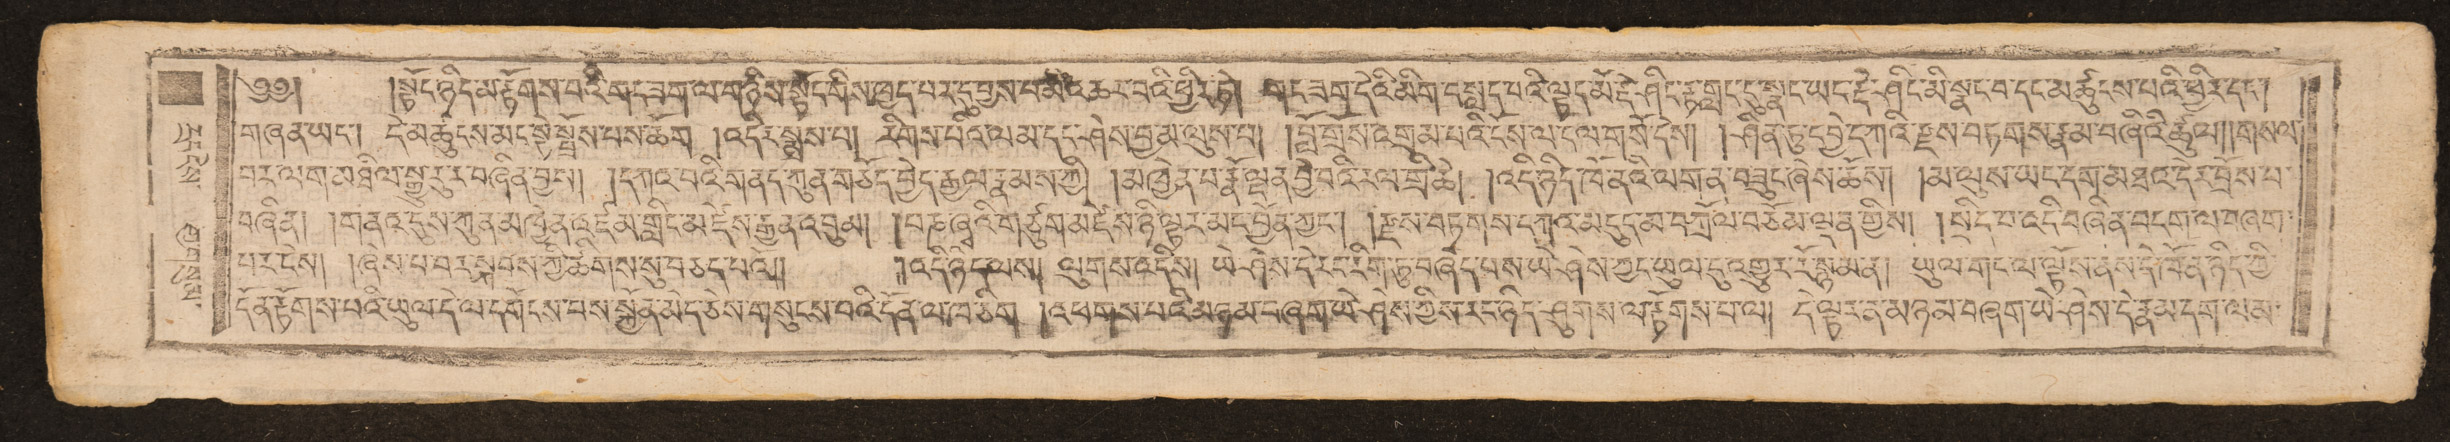༄༅། །སྟོང་ཉིད་མ་རྟོགས་པའི་གང་ཟག་ལ་གཉིས་སྟོང་གིས་ཁྱད་པར་དུ་བྱས་པ་མི་འཆར་བའི་ཕྱིར་ཏེ། གང་ཟག་དེའི་མིག་བསླད་པའི་ལྟད་མོ་རྡེ་ཤིང་རྟ་གླང་དུ་སྣང་ཡང་རྡེ་ཤིང་མི་སྣང་བ་དང་མཚུངས་པའི་ཕྱིར་དང་།
གཞན་ཡང་། དེ་མཚུངས་མང་སྟེ་སྤྲོས་པས་ཆོག །འདིར་སྨྲས་པ། རིགས་པའི་ལམ་དང་ཤེས་བྱ་མ་ལུས་པ། །བློ་གྲོས་འགྲམ་པའི་ངོས་ལ་དལ་གསོ་དེས། །ཤིན་ཏུ་དབྱེ་དཀའི་རྫས་བཏགས་རྣམ་བཞིའི་ཚུལ། །གསལ་
བར་ལག་མཐིལ་སྒྱུ་རུར་བཞིན་བྱས། །དཀའ་བའི་གནད་ཀུན་གཅོད་བྱེད་རྒྱལ་རྣམས་ཀྱི། །མཁྱེན་པ་རྣོ་ལྡན་བྱེ་བའི་རལ་གྲི་ཆེ། །འདི་ཉིད་ཁོ་ནའི་ལག་ན་བཟུང་ཞེས་ཆོས། །མ་ལུས་ཡང་དག་མཐའ་དེར་བྲོས་པ་
བཞིན། །གནའ་དུས་ཀུན་མཁྱེན་འཛམ་གླིང་མཛེས་རྒྱན་འབུམ། །པཎ་ཞྭའི་གཙུག་མཛེས་ཉི་ལྟར་མང་བྱོན་ཀྱང་། །རྫས་བཏགས་དཀའ་མདུད་མ་བཀྲོལ་བཅོམ་ལྡན་གྱིས། །སྲིད་པ་འདི་བཞིན་བདག་ལ་བཞག་
པར་ངེས། །ཞེས་པ་བར་སྐབས་ཀྱི་ཚིགས་སུ་བཅད་པའོ།། །།འདི་ཉིད་ལས། ལུགས་འདིས། ཡེ་ཤེས་དེ་རང་རིག་ཏུ་བཞེད་པས་ཡེ་ཤེས་ཀྱང་ཡུལ་དུ་འགྱུར་རོ་སྙམ་ན། ཡུལ་གང་ལ་ལྟོས་ནས་དེ་ཁོ་ན་ཉིད་ཀྱིས་
དོན་རྟོགས་པའི་ཡུལ་དེ་ལ་དགོངས་པས་སྐྱོན་མེད་ཅེས་གསུངས་པའི་དོན་ལ་ཁ་ཅིག །འཕགས་པའི་མཉམ་བཞག་ཡེ་ཤེས་ཀྱིས་རང་ཉིད་ཤུགས་ལ་རྟོགས་པ་ལ། དེ་ལྟར་ན་མཉམ་བཞག་ཡེ་ཤེས་དེ་རྣམ་དག་ལམ་